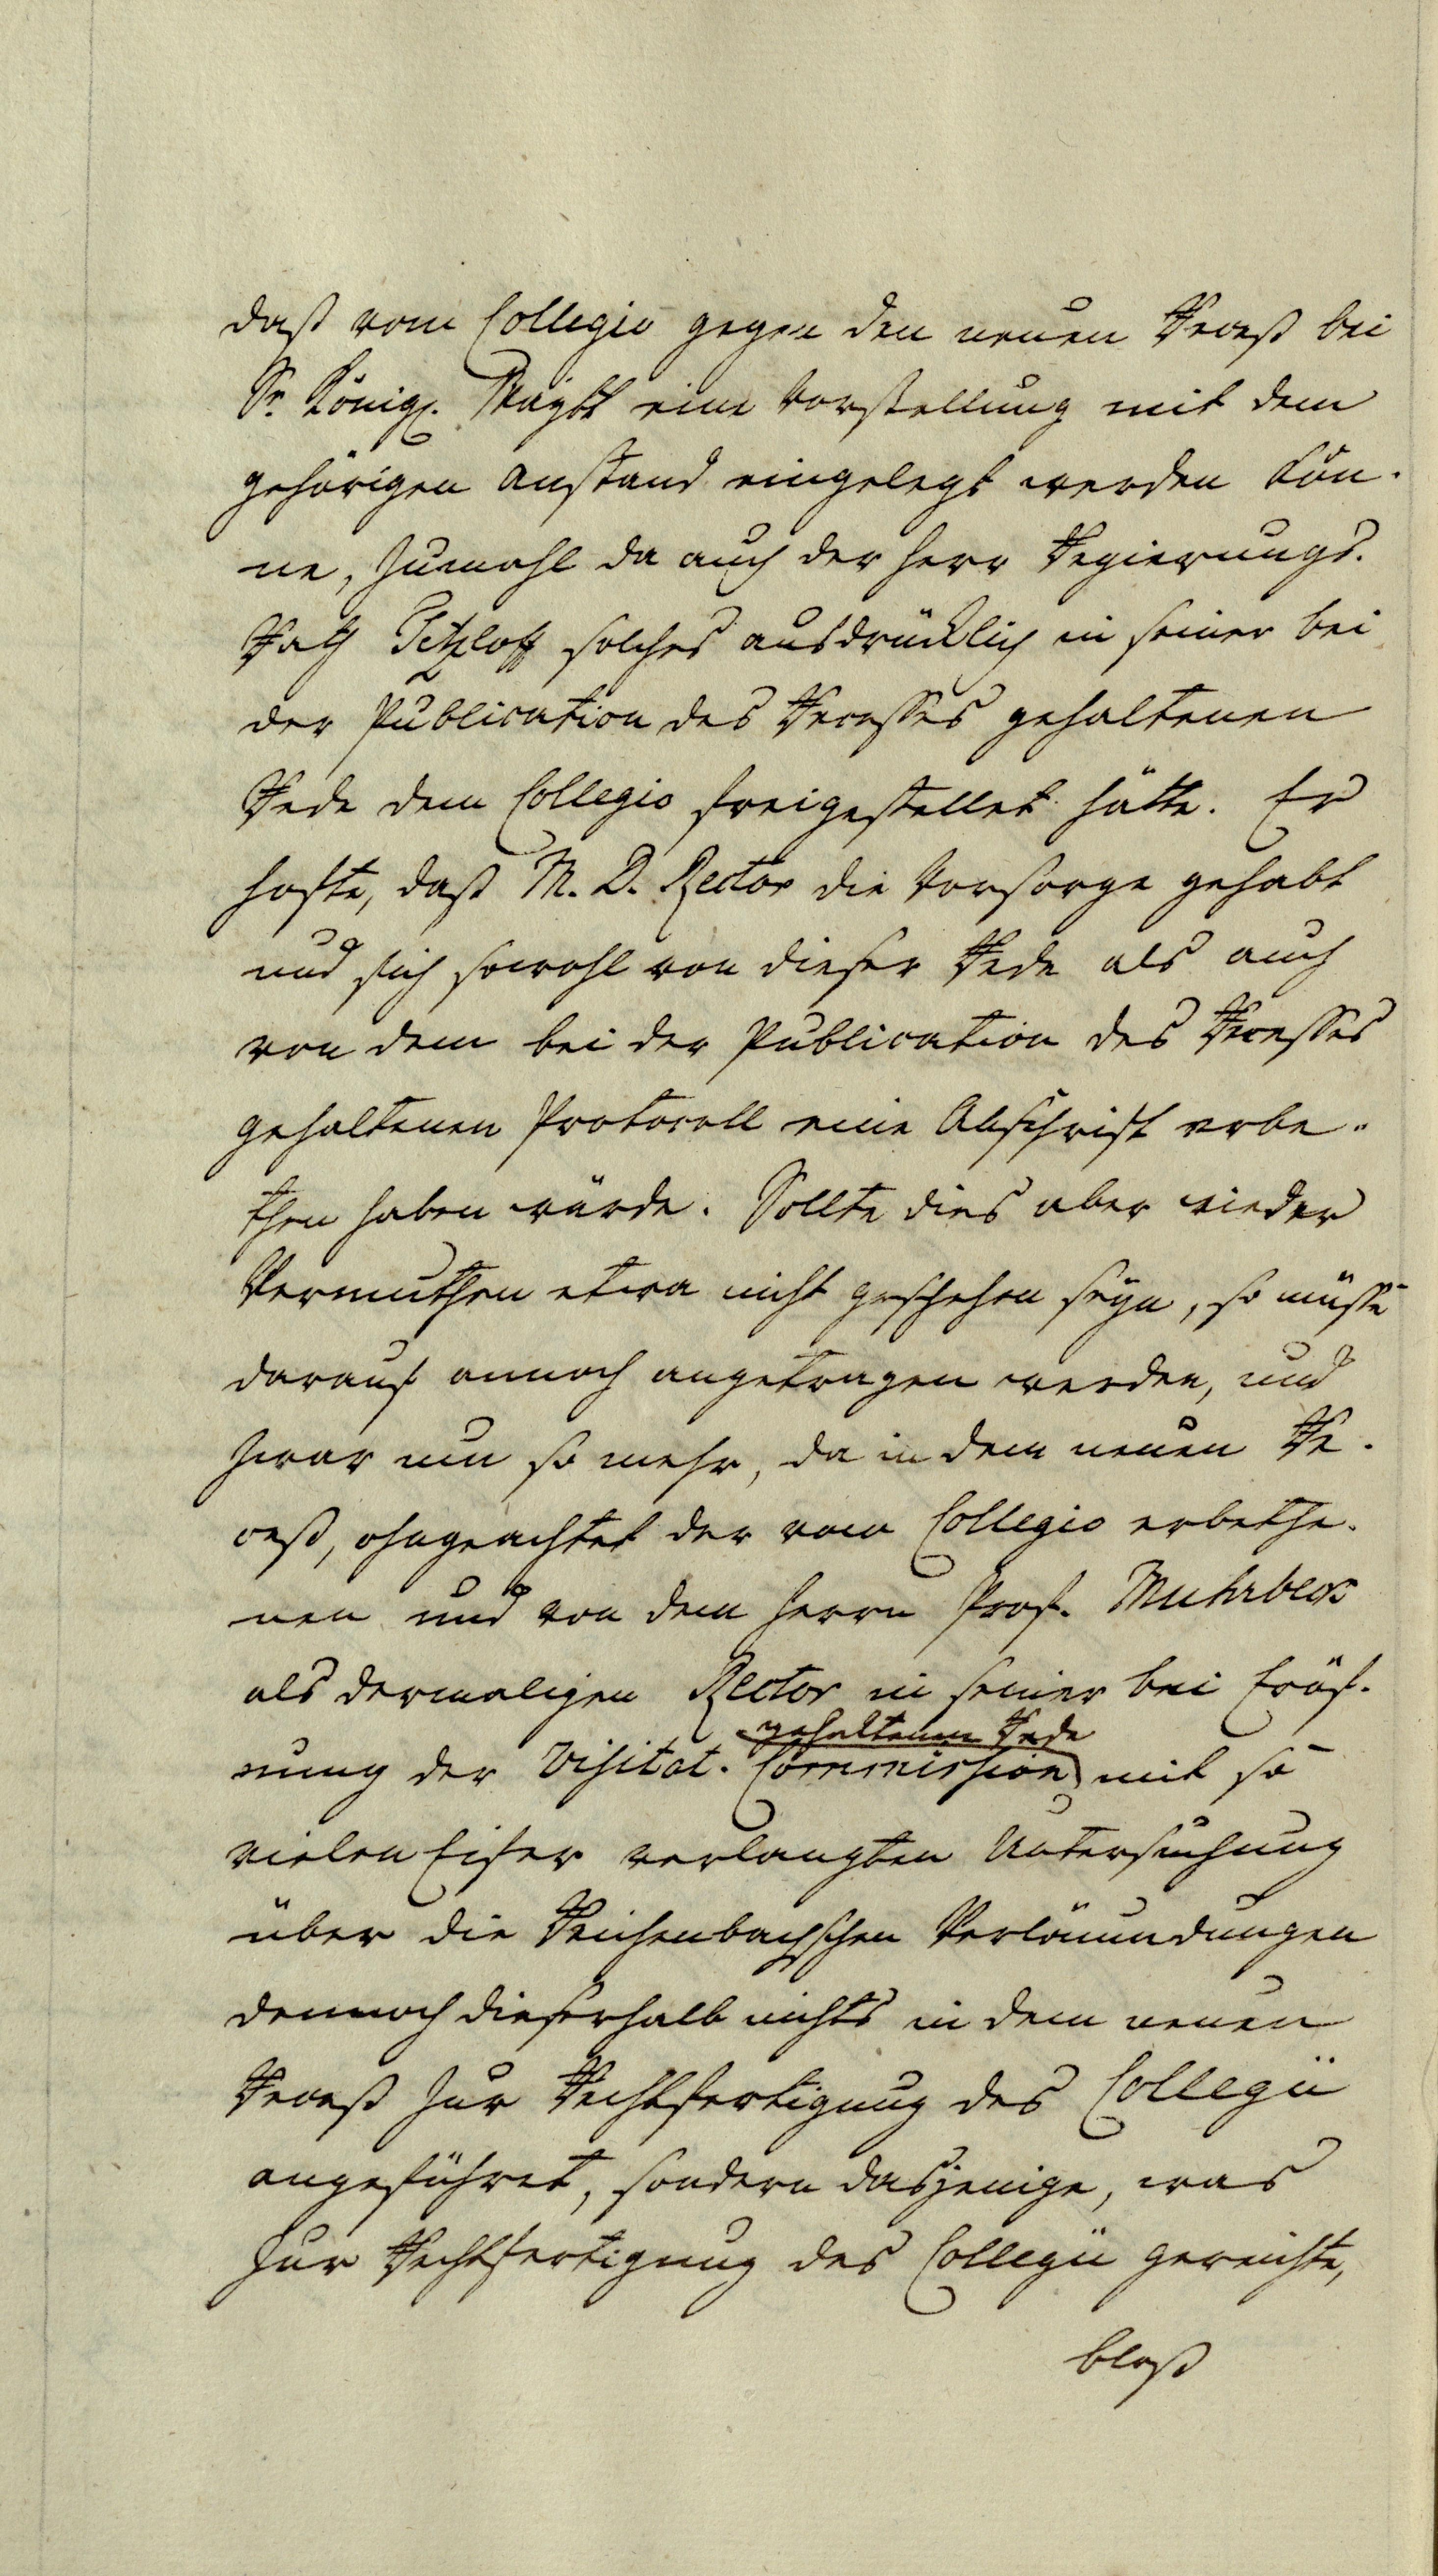daß vom Collegio gegen den neuen Receß bei
Sr Königl. Maÿtt eine Vorstellung mit dem
gehörigen Anstand eingelegt werden kön¬
ne, zumahl da auch der Herr Regierungs-
Rath Tetzloff solches ausdrücklich in seiner bei
der Publication des Recesses gehaltenen
Rede dem Collegio freigestellet hätte. Er
hofte, daß M. D. Rector die Vorsorge gehabt
und sich sowohl von dieser Rede als auch
von dem bei der Publication des Recesses
gehaltenen Protocoll eine Abschrift erbe¬
then haben würde. Sollte dies aber wieder
Vermuthen etwa nicht geschehen seÿn, so müsse
darauf annoch angetragen werden, und
zwar um so mehr, da in dem neuen Re¬
ceß, ohngeachtet der vom Collegio erbethe¬
nen und von dem Herrn Prof. Muhrbeck
als dermaligen Rector in seiner bei Eröf¬
gehaltenen Rede
nung der Visitat. Commission mit so
vielen Eifer verlangten Untersuchung
über die Reichenbachschen Verläumdungen
dennoch dieserhalb nichts in dem neuen
Receß zur Rechtfertigung des Collegii
angeführet, sondern dasjenige, was
zur Rechtfertigung des Collegii gereichte,
bloß